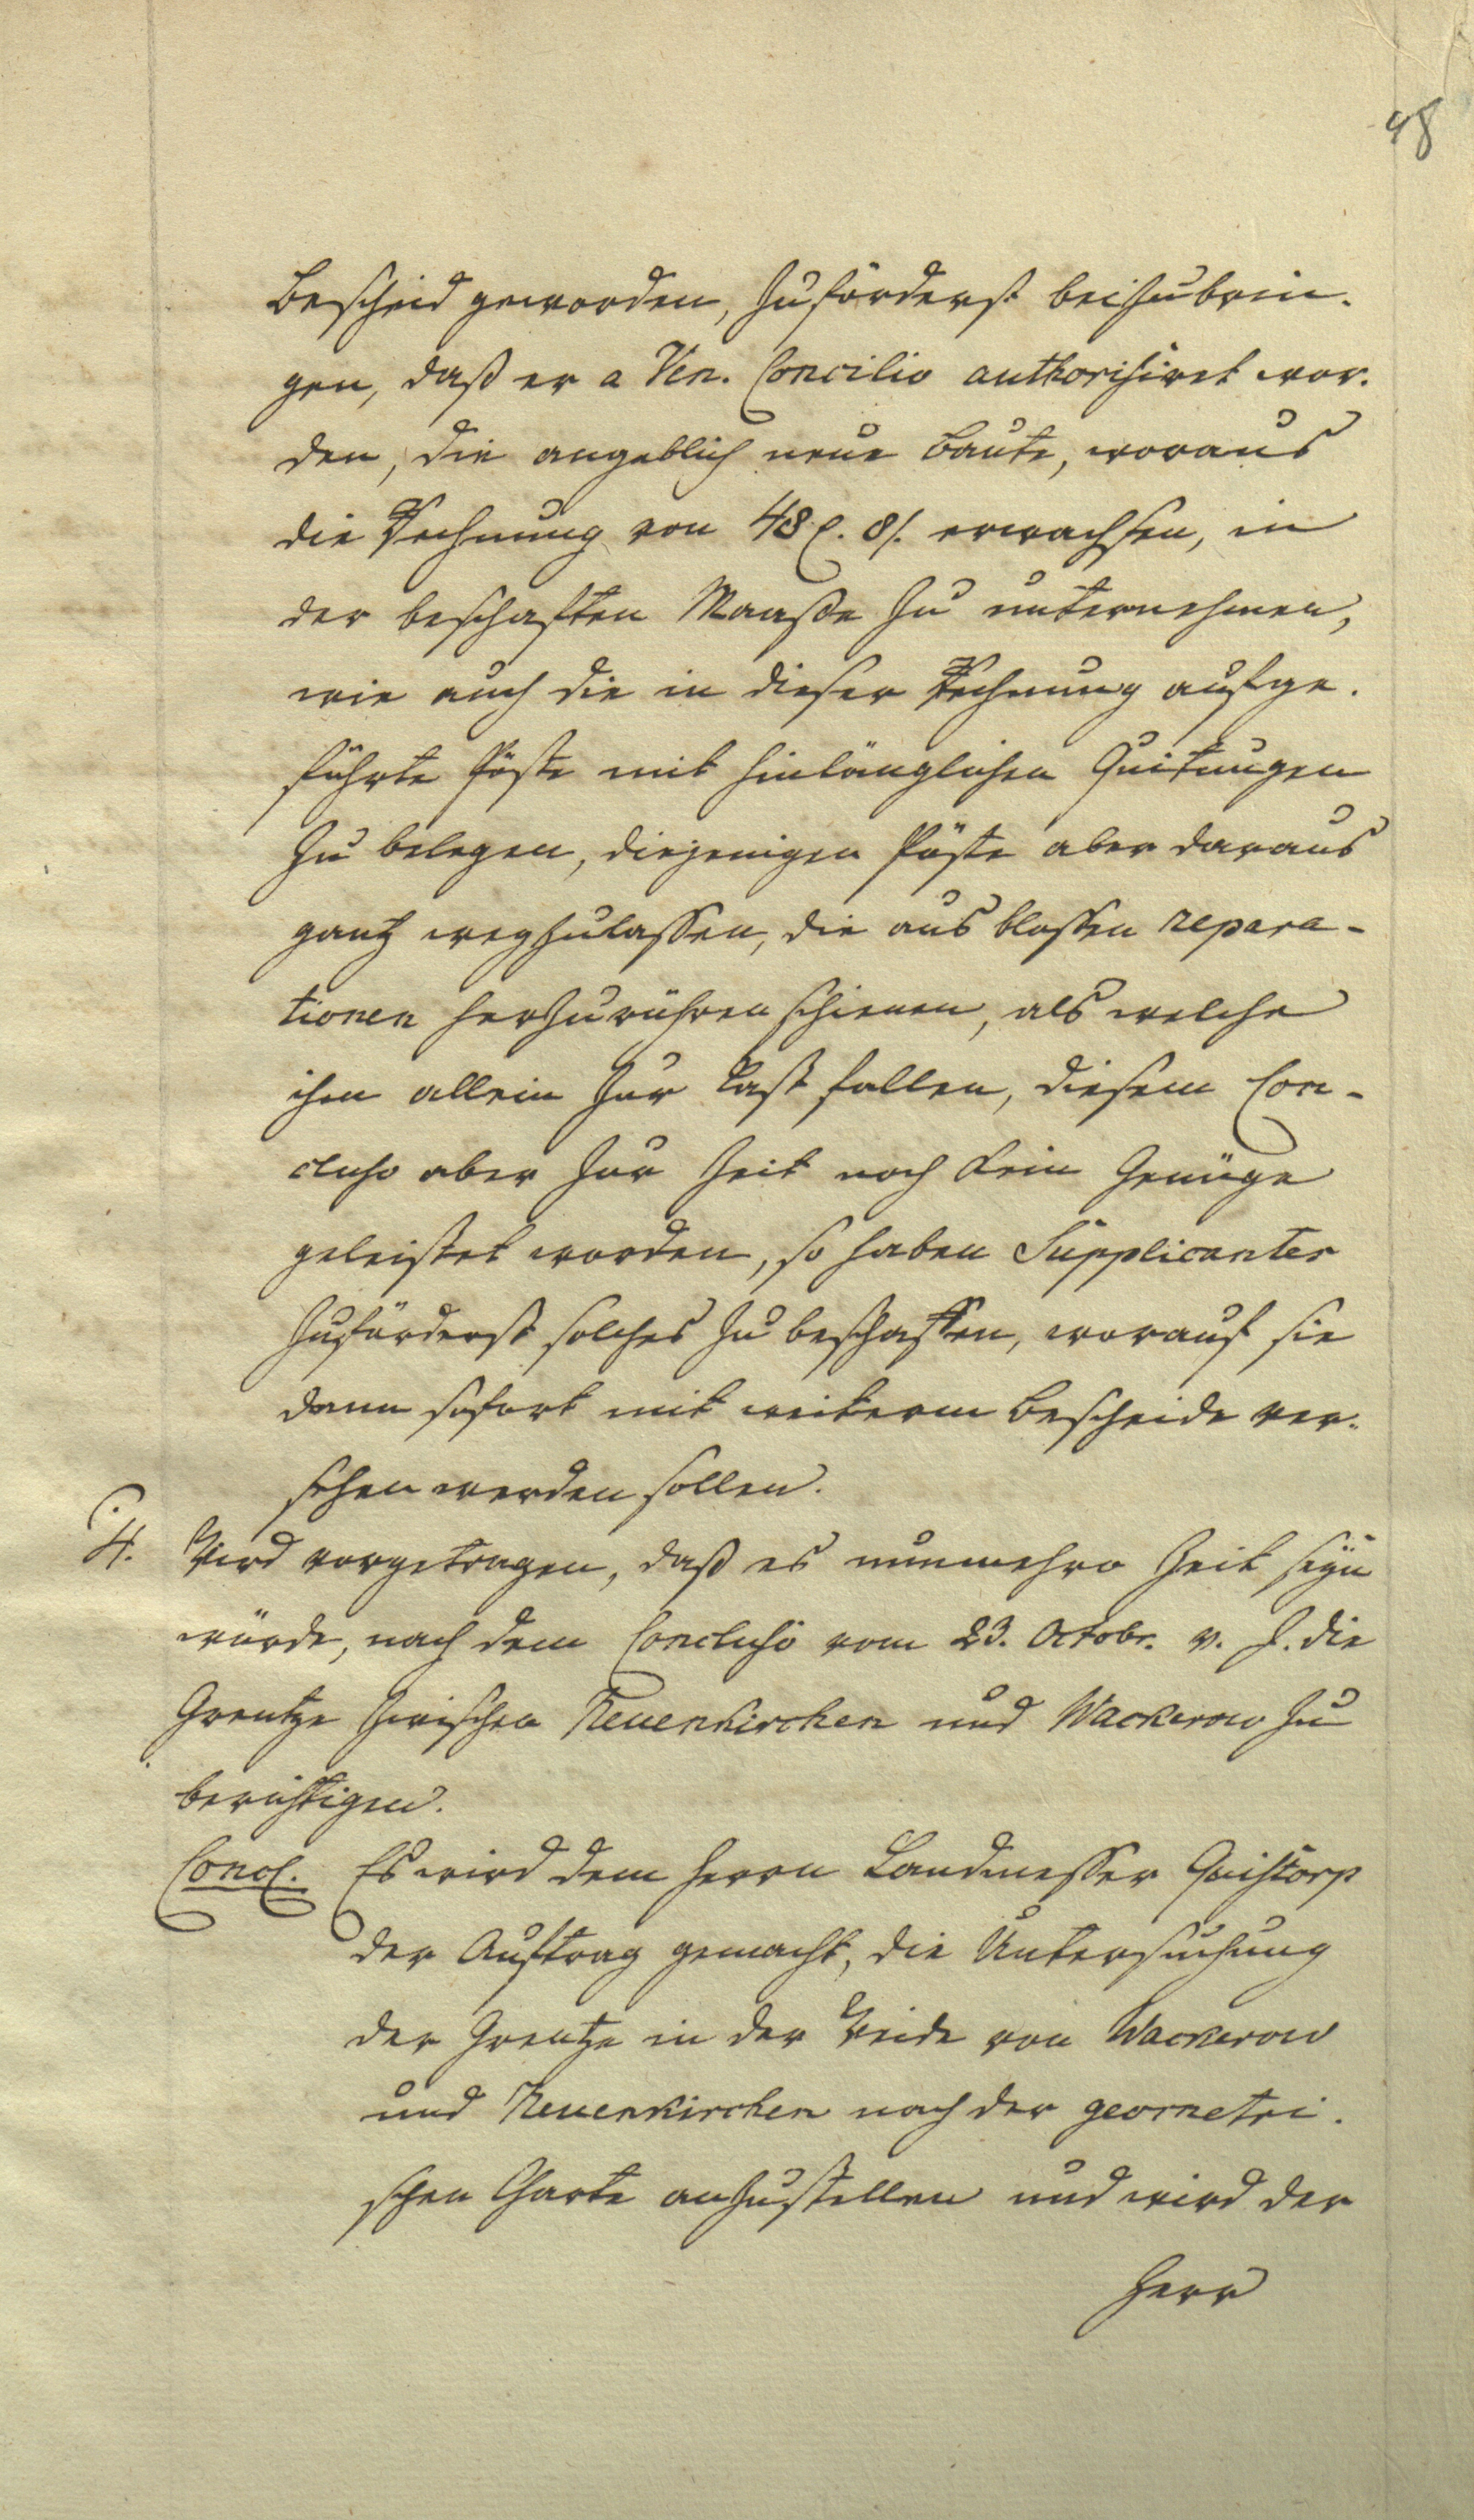Bescheid geworden, zuförderst beizubrin¬
gen, daß er a Ven. Concilio authorisiret wor¬
den, die angeblich neue Baute, woraus
die Rechnung von 48 l. 8 s. erwachsen, in
der beschaften Maaße zu unternehmen,
wie auch die in dieser Rechnung aufge¬
führte Pöste mit hinlänglichen Quitungen
zu belegen, diejenigen Pöste aber daraus
gantz wegzulassen, die aus blossen repara-
tionen herzurühren schienen, als welche
ihm allein zur Last fallen, diesem Con¬
cluso aber zur Zeit noch kein Genüge
geleistet worden, so haben Supplicantes
zuförderst solches zu beschaffen, worauf sie
dann sofort mit weiterm Bescheide ver¬
sehen werden sollen.
4. Wird vorgetragen, daß es nunmehro Zeit seÿn
würde, nach dem Concluso vom 23. Octobr. v. J. die
Grentze zwischen Neuenkirchen und Wackerow zu
berichtigen.
Concl. Es wird dem Herrn Landmesser Quistorp
der Auftrag gemacht, die Untersuchung
der Grentze in der Weide von Wackerow
und Neuenkirchen nach der geometri¬
schen Charte anzustellen und wird der
Herr